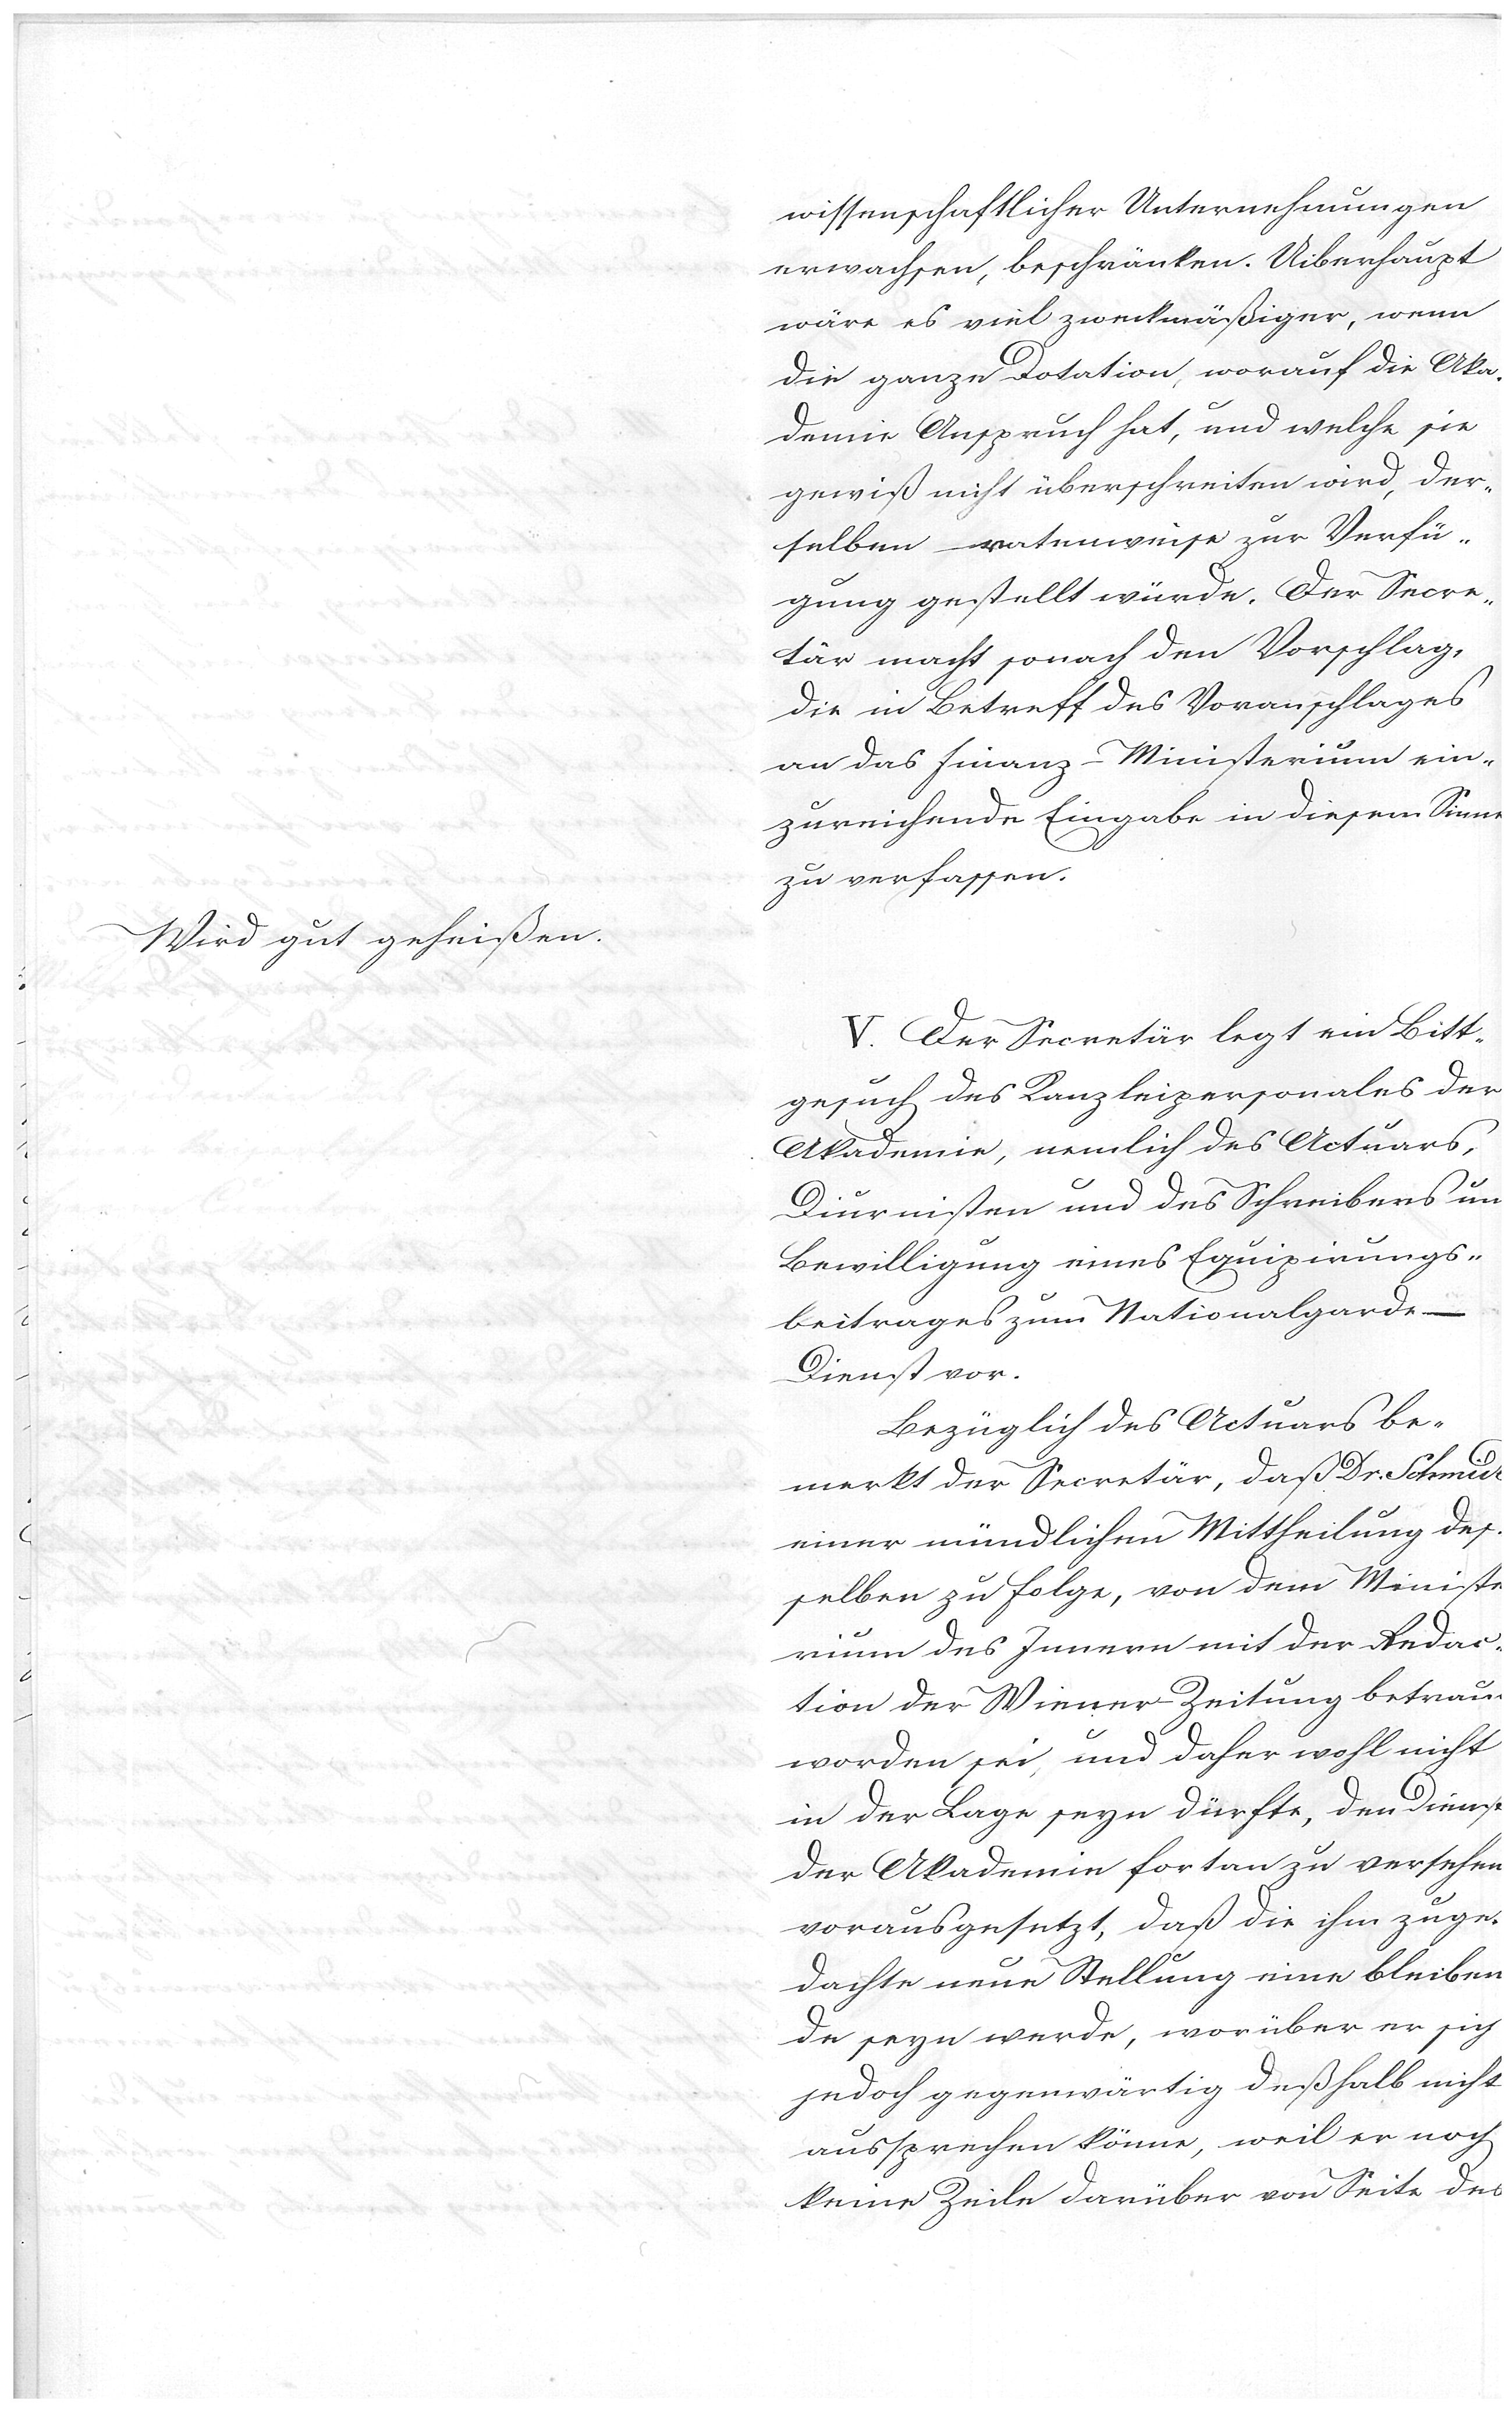wissenschaftlichen Unternehnungen
erwachsen, beschränken. Uibenhaupt
wäre es viel zweckmäßiger, wenn
die ganze Dotation, worauf die Aka-
demie Anspruch hat, und welche sie
gewiß nicht überschreiten wird, der-
selben ratenweise zur Verfü-
gung gestellt würde. Der Secre-
tär macht sonach den Vorschlag,
die in Betreff des Voranschlages
an das Finanz-Ministerium ein-
zureichende Eingabe in diesem Sinne
zur verfassen.
Wird gut geheißen.
V. Der Secretär legt ein Bitt-
gesuch das Kanzleipersonales der
Akademie, nemlich des Actuars,
Diurnisten und des Schreibers um
Bewilligung eines Equipirungs-
beitrages zum Nationalgarde-
Dienst vor.
Bezüglich des Actuars be-
merkt der Secretär, daß Dr. Schmidl
einer mündlichen Mittheilung des-
selben zu Folge, von den Minister-
ium des Innern mit der Redac-
tion der Wiener Zeitung betraut
worden sei und daher wohl nicht
in der Lage seyn dürfte, den Dienst
der Akademie fortan zu versehen,
vorausgesetzt, daß die ihm zuge-
dachte neue Stellung eine bleiben-
de seyn werde, worüber er sich
jedoch gegenwärtig deßhalb nicht
aussprechen könne, weil er noch
keine Zeile darüber von Seite des